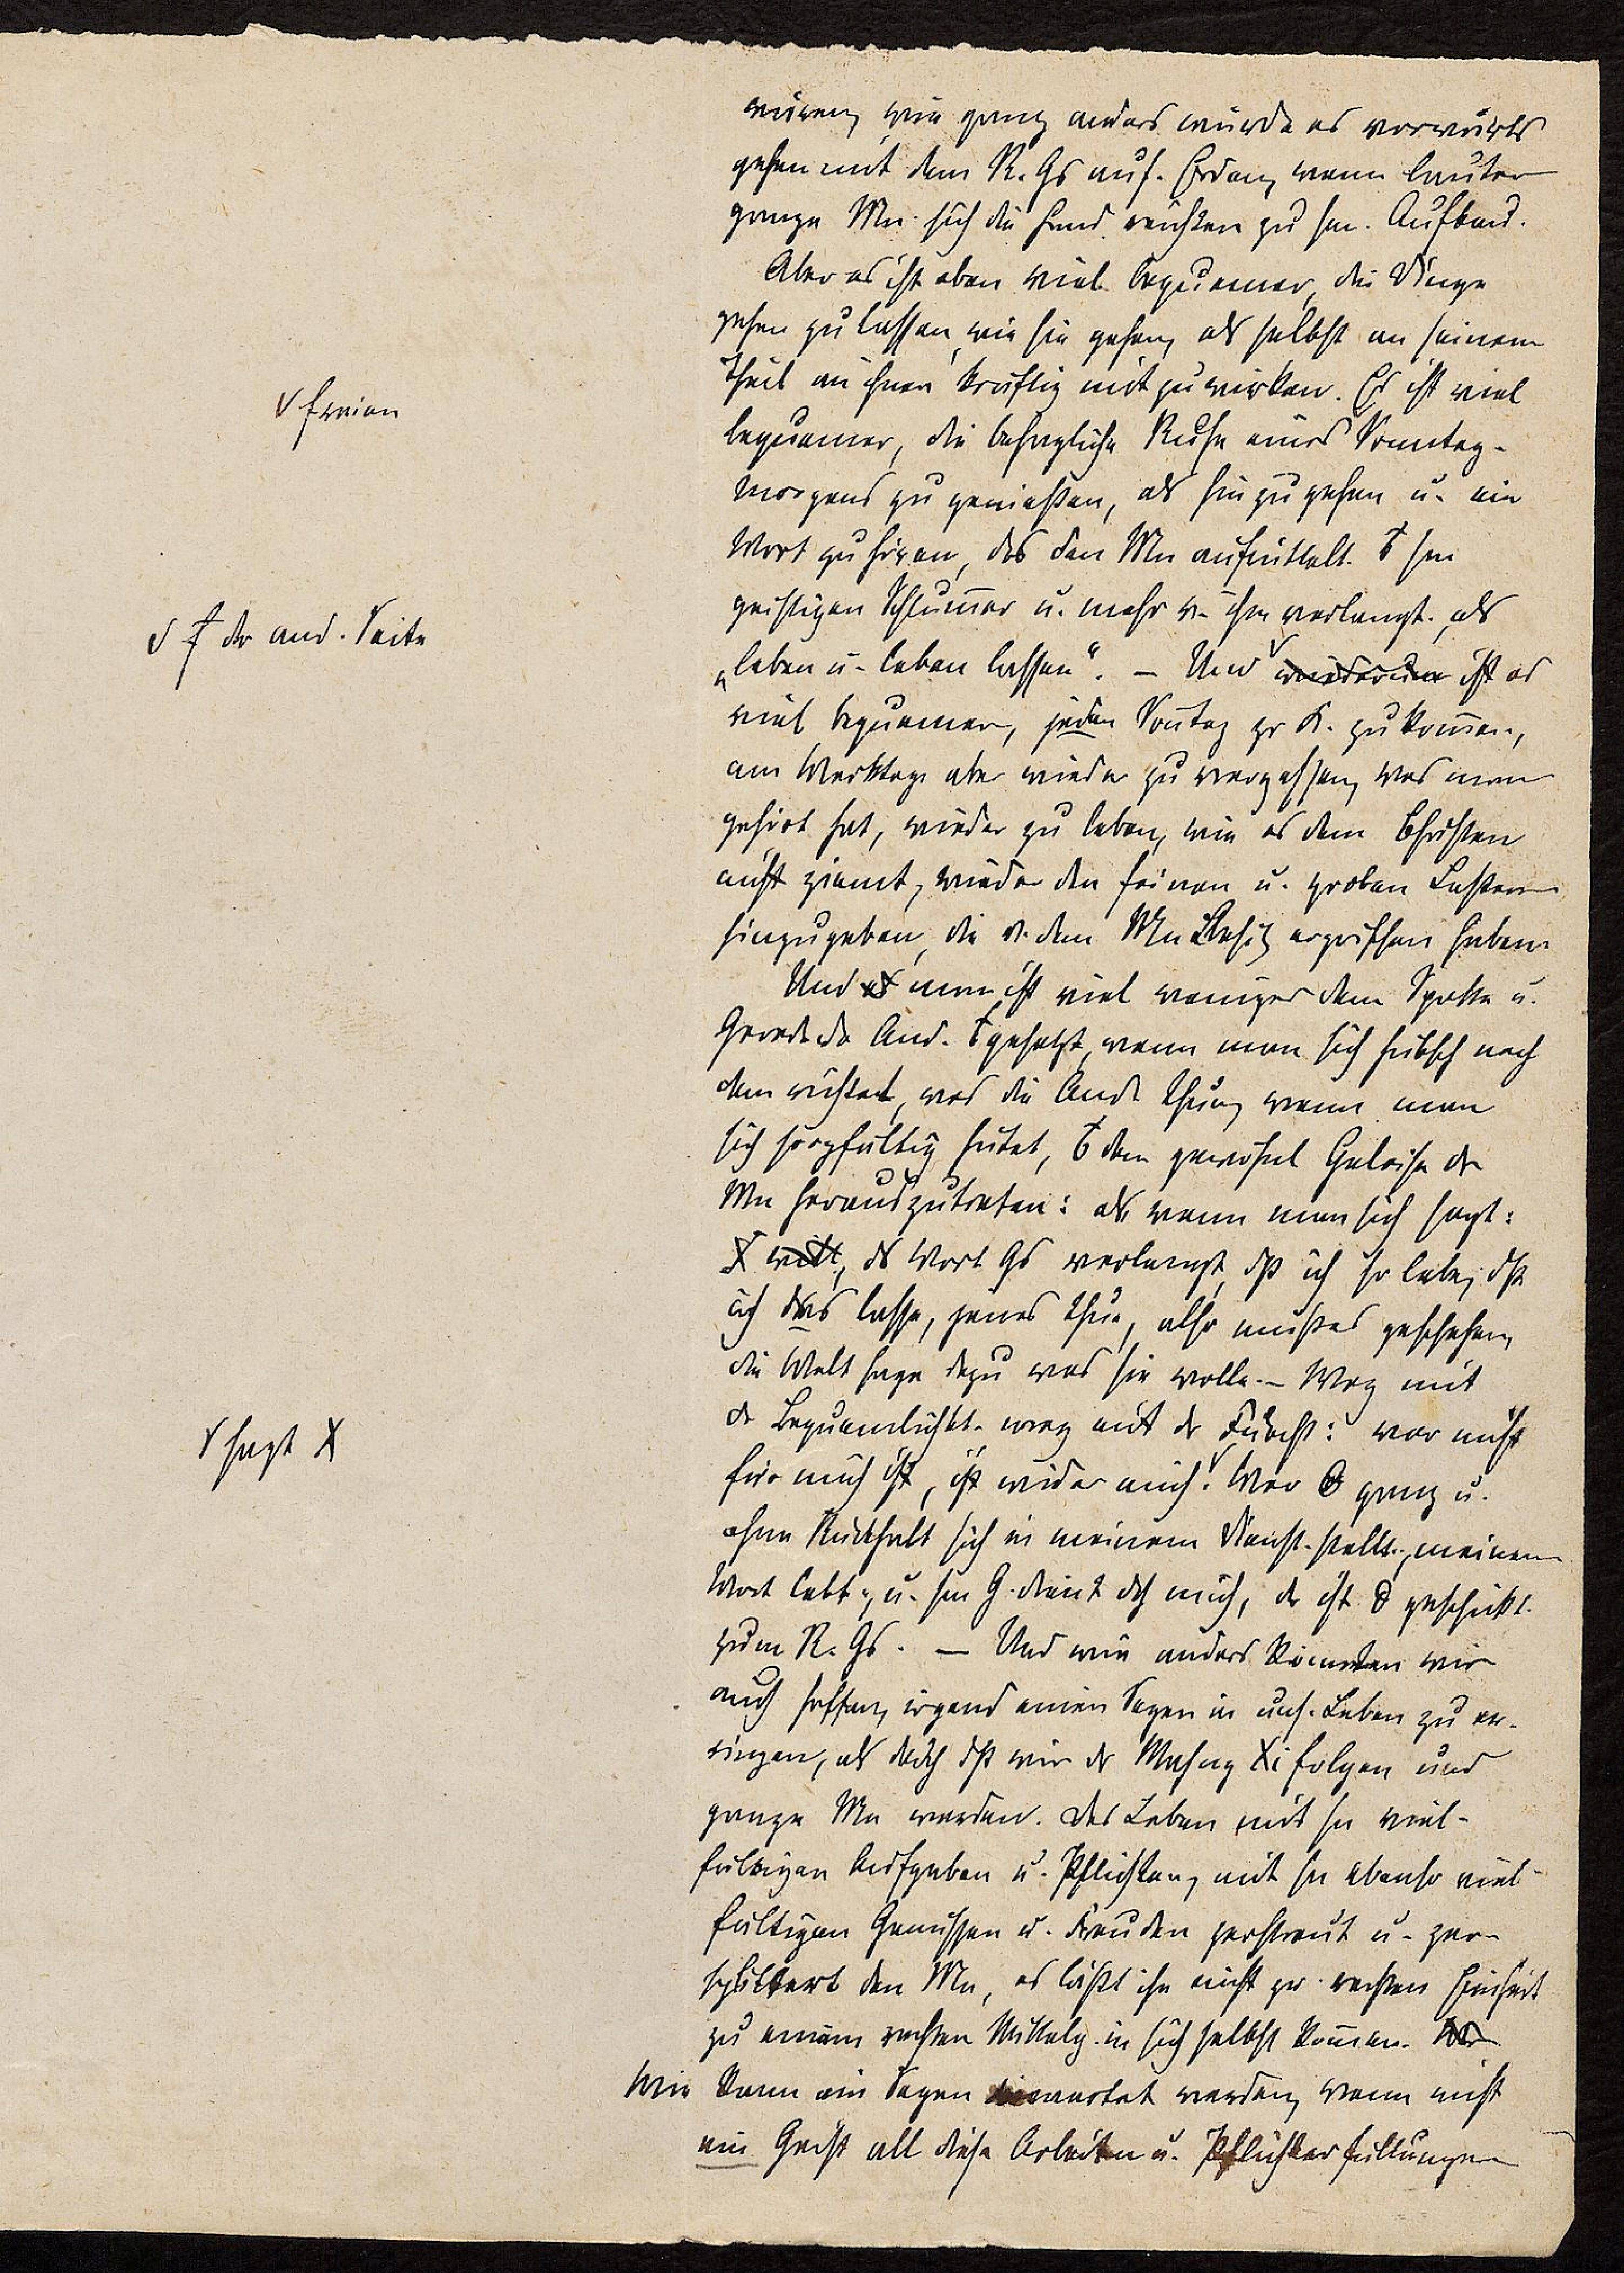V freien
V f dr and. Seite
V sagt Χ
wären, wie ganz anders würde es vorwärts
gehen mit dem R. Gs. uns. Erden, wenn lauter
ganze Mn. sich die Hand reichten zu sm. Aufbau.
Aber es ist eben viel bequemer, die Dinge
gehen zu lassen wie sie gehen, als selbst an seinem
Theil an ihne kräftig mitzuwirken. Es ist viel
bequemer, die behagliche Ruhe eines Sonntag¬
morgens zu genießen, als hinzugehen u. ein
Wort zu hören, das den Mn. aufrüttelt s sm
geistigen Schlumer u mehr v ihm verlangt, als
"leben u. leben lassen." _ Und wiederum ist es
viel bequemer, jeden Sontag zr K. zu komen,
am Werktage aber wieder zu vergessen, was man
gehört hat, wieder zu leben, wie es dem Christen
nicht ziemt, wieder da feinen u. groben Lasten
hinzugeben, die v. dem Mn Besitz ergriffen haben.
Und es man ist viel weniger dem Spotte u.
Gerede And. sgesetzt, wenn man sich hübsch nach
dem richtet, was die And. thun, wenn man
sich sorgfältig hütet, s dem gewöhnl. Geleis dr
Mn herauszutreten: als wenn man sich sagt:
Χ will, das Wort Gs verlangt, dß ich so lebe, dß
ich das Lasse, jenes thue, also muß es geschehen,
die Welt sage dazu was sie wolle.: Weg mit
dr Bequemlichkt. weg mit dr Furcht: wer nicht
für mich ist, ist wider mich. V Wer o ganz u.
ohne Rückhalt sich in meinem Dienste stellt, meinem
Wort lebt; u. sm G. dient dch mich, der ist o geschickt
zum R. Gs. _ Und wie anders könnten wir
auch hoffen, irgend einen Segen in uns. Leben zu er¬
ringen, als durch dß wir dr Mahng Χι folgen und
ganze Mn werden. Das Leben mit sn viel¬
fältigen Aufgaben u. Pflichten, mit sn ebenso viel¬
fältigen Genüssen u. Freuden zerstreut u zer¬
splittert den Mn, es läßt ihn nicht zr. rechten Einheit
zu einem rechten Mittelg. in sich selbst komen. Wer
Wie kann ein Segen erwartet werden, wenn nicht
ein Geist all dies Arbeiten u. Pflichterfüllungen